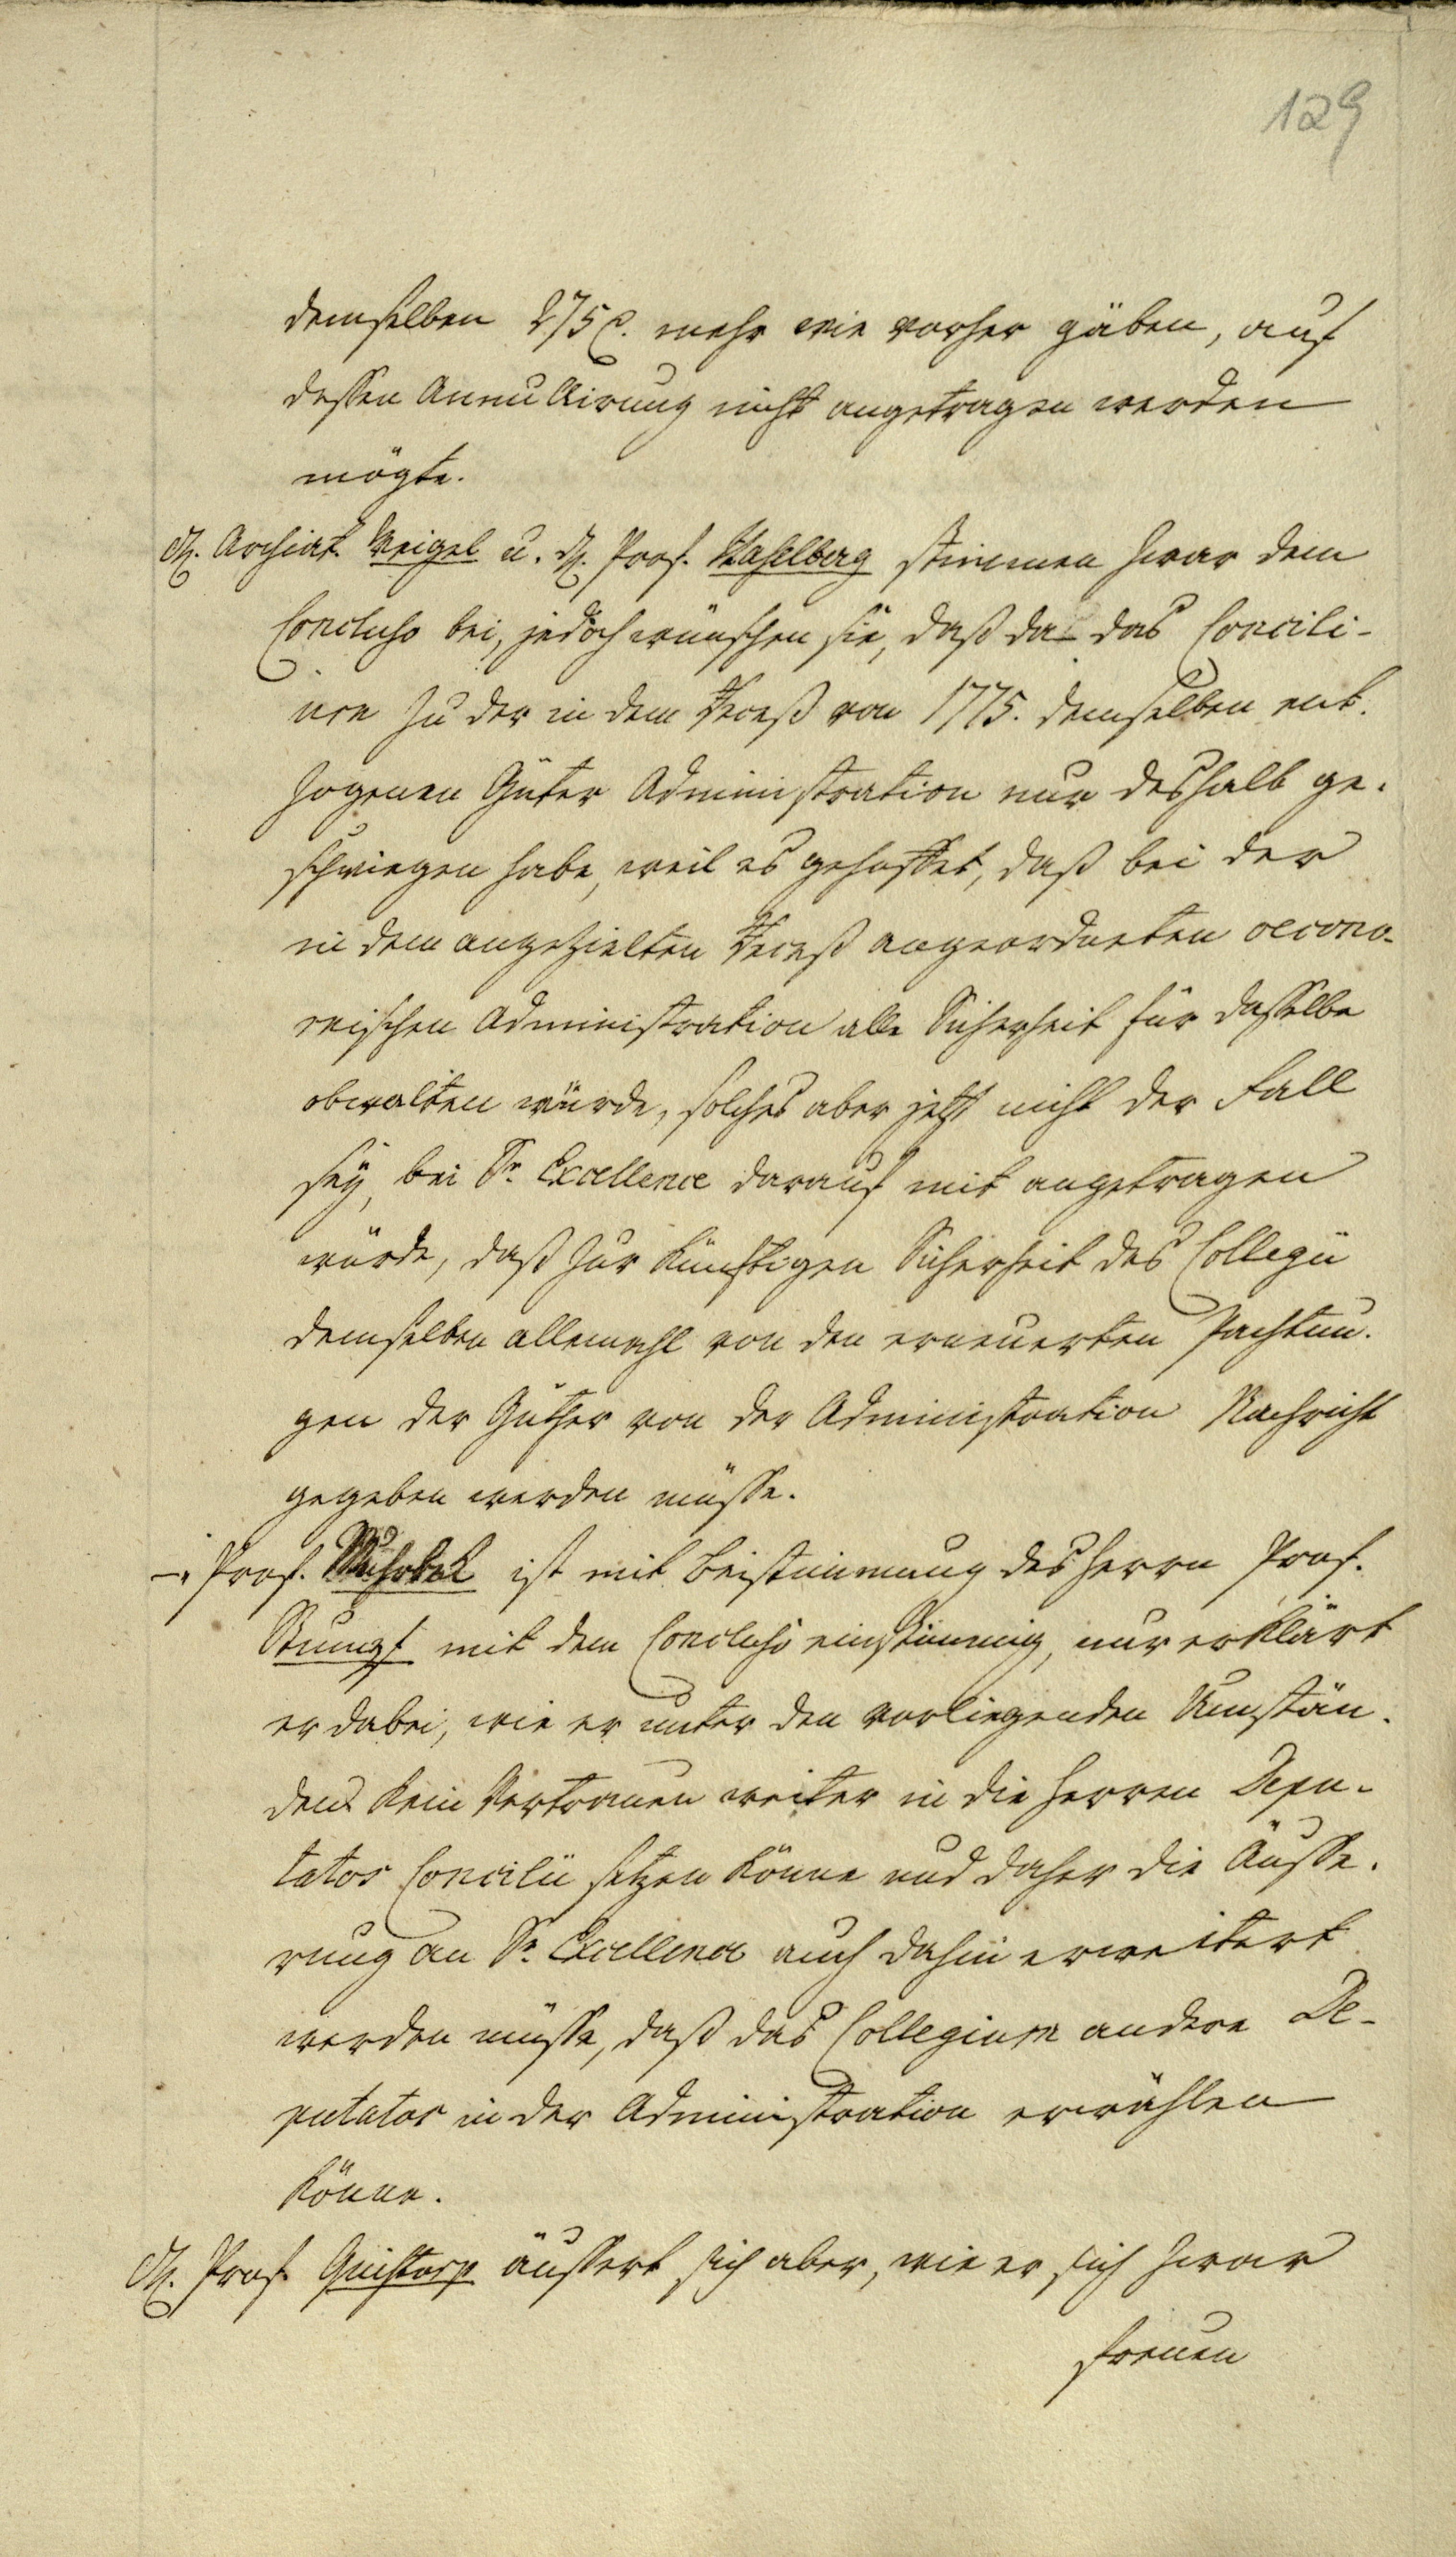demselben 275 c. mehr wie vorher gäben, auf
dessen Annullirung nicht angetragen werden
mögte.
dh. Archiat. Weigel u. dh. Prof. Haselberg stimmen zwar dem
Concluso bei, jedoch wünschen sie, daß da das Concili¬
um zu der in dem Receß von 1775. demselben ent¬
zogenen Güter Administration nur deshalb ge¬
schwiegen habe weil es gehoffet, daß bei der
in dem angezielten Receß angeordneten oecono¬
mischen Administration alle Sicherheit für dasselbe
obwalten würde, solches aber jetzt nicht der Fall
seÿ, bei Sr Excellence darauf mit angetragen
würde, daß zur künftigen Sicherheit des Collegii
demselben allemahl von den erneuerten Pachtung¬
gen der Güther von der Administration Nachricht
gegeben werden müsse.
Prof. Muhrbeck ist mit Beistimmung des Herrn Prof.
Stumpf mit dem Concluso einstimmig, nur erklärt
er dabei, wie er unter den vorliegenden Umstän¬
den kein Vertrauen weiter in die Herren Depu¬
tatos Concilii setzen könne und daher die Äusse¬
rung an Sr Excellence auch dahin erweitert
werden müsse, daß das Collegium andere De¬
putatos in der Administration erwählen
könne.
dh. Prof. Quistorp äussert sich aber, wie er sich zwar
freuen